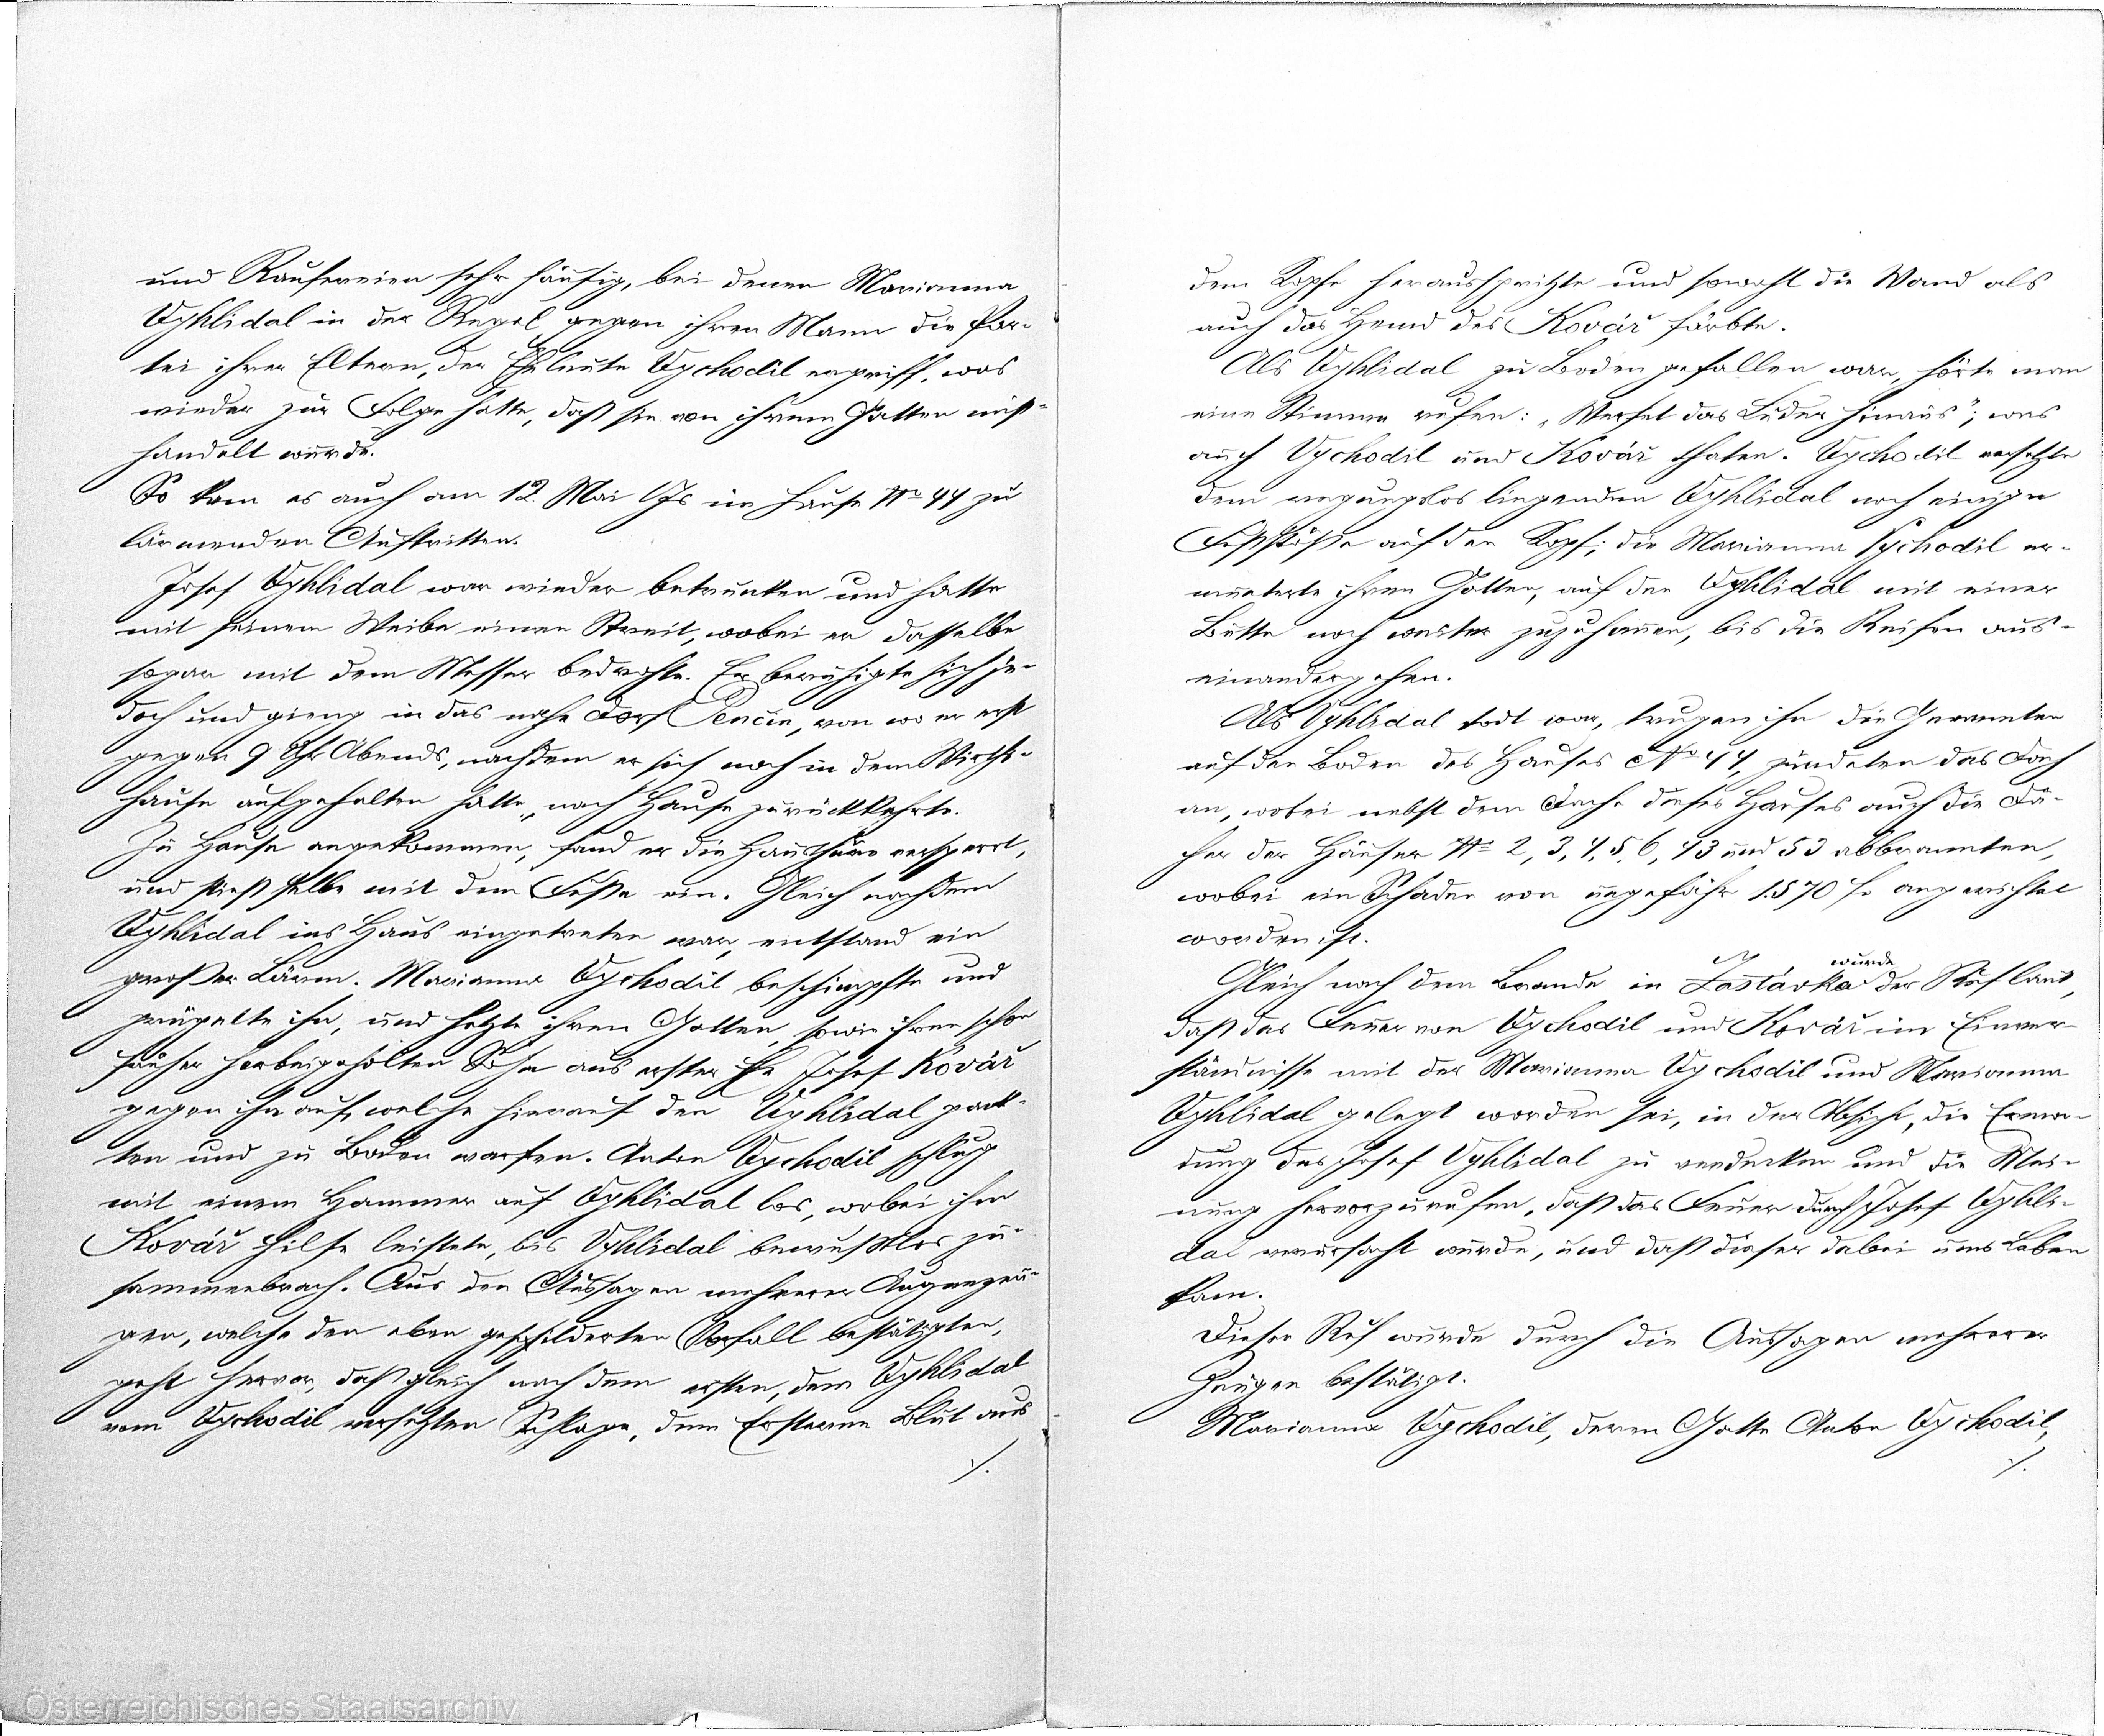und Raufereien sehr häusig, bei denen Marianna
Vyhlidal in der Regel gegen ihren Mann die Par¬
tei ihrer Eltern, der Eheleute Vychodil ergriff, was
wieder zur Folge hatte, daß sie von ihrem Gatten miß¬
handelt wurde.
So kam es auch am 12. Mai lJs im Hause tto 44 zu
lärmenden Auftritten.
Josef Vyhlidal war wieder betrunken und hatte
mit seinem Weibe einen Streit, wobei er dasselbe
sogar mit dem Messer bedrohte. Er beruhigte sich je¬
doch und gieng in das nahe Dorf Penčin, von wo er erst
gegen 9 Uhr Abends, nachdem er sich noch in dem Wirths¬
hause aufgehalten hatte, nach Hause zurückkehrte.
Zu Hause angekommen, fand er die Hausxx versperrt,
und stieß selbe mit dem Fuße ein. Gleich nachdem
Vyhlidal ins Haus eingetreten war, entstand ein
großer Lärm. Marianna Vychodil beschimpfte und
prügelte ihn, und setzte ihren Gatten, sowie ihren schon
früher herbeigeholten Sohn aus erster Ehe Josef Kovár
gegen ihn auf welche hierauf den Vyhlidal pack¬
ten und zu Boden warfen. Anton Vychodil schlug
mit einem Hammer auf Vyhlidal los, wobei ihm
Kovár Hilfe leistete, bis Vyhlidal bewußtlos zu¬
sammenbrach. Aus den Aussagen mehrerer Augenzeu¬
gen, welche den eben geschilderten Vorfall bestätigten,
geht hervor, daß gleich nach dem ersten, dem Vyhlsdal
vom Vychodil versetzten Schlage, dem Ersteren Blut aus
dem Kopfe herausspritzte und wowohl die Wand als
auch das Hemd des Kovár färbte.
Als Vyhlidal zu Boden gefallen war, hörte man
eine Stimme rufen: „Werfel das Luder hiraus“; was
auch Vychodil und Kovár thaten. Vychodil versetzte
dem wogungslos liegenden Vyhlidal noch einige
xx auf den Kopf; die Marianna Vychodil er¬
munterte ihren Gatten, auf den Vyhlidal mit einer
Butte noch weiter zuzuhauen, bis die Reisen aus¬
einandergehen.
Als Vyhlidal todt war, trugen ihn die Gerannten
auf den Boden des Hauses No 44, zündeten das Dach
an, wobei nebst dem Dache dieses Hauses auch die Dä¬
her der Häuser No. 2, 3, 4, 5, 6, 43 und 53 abbrannten,
wobei ein Schaden von ungefähr 1570 fr angerichtet
worden ist.
Wurde
Gleich nach dem Brande in Zastávka der Rusland,
daß das Feuer von Vychodil und Kovár im Einver¬
ständnisse mit der Marianna Vychodil und Marianna
Vyhlidal gelegt worden sei, in der Absicht, die Ermor¬
dung des Josef Vyhlidal zu verdecken und die Mei¬
nung hervorzurufen, daß das Feuer durch Josef Vyhli¬
dal verursacht wurde, und daß dieser dabei ums Leben
kam.
Dieser Ruf wurde durch die Aussagen mehrerer
Zeugen bestätigt.
Marianna Vychodil, deren Gatte Anton Vychodil,